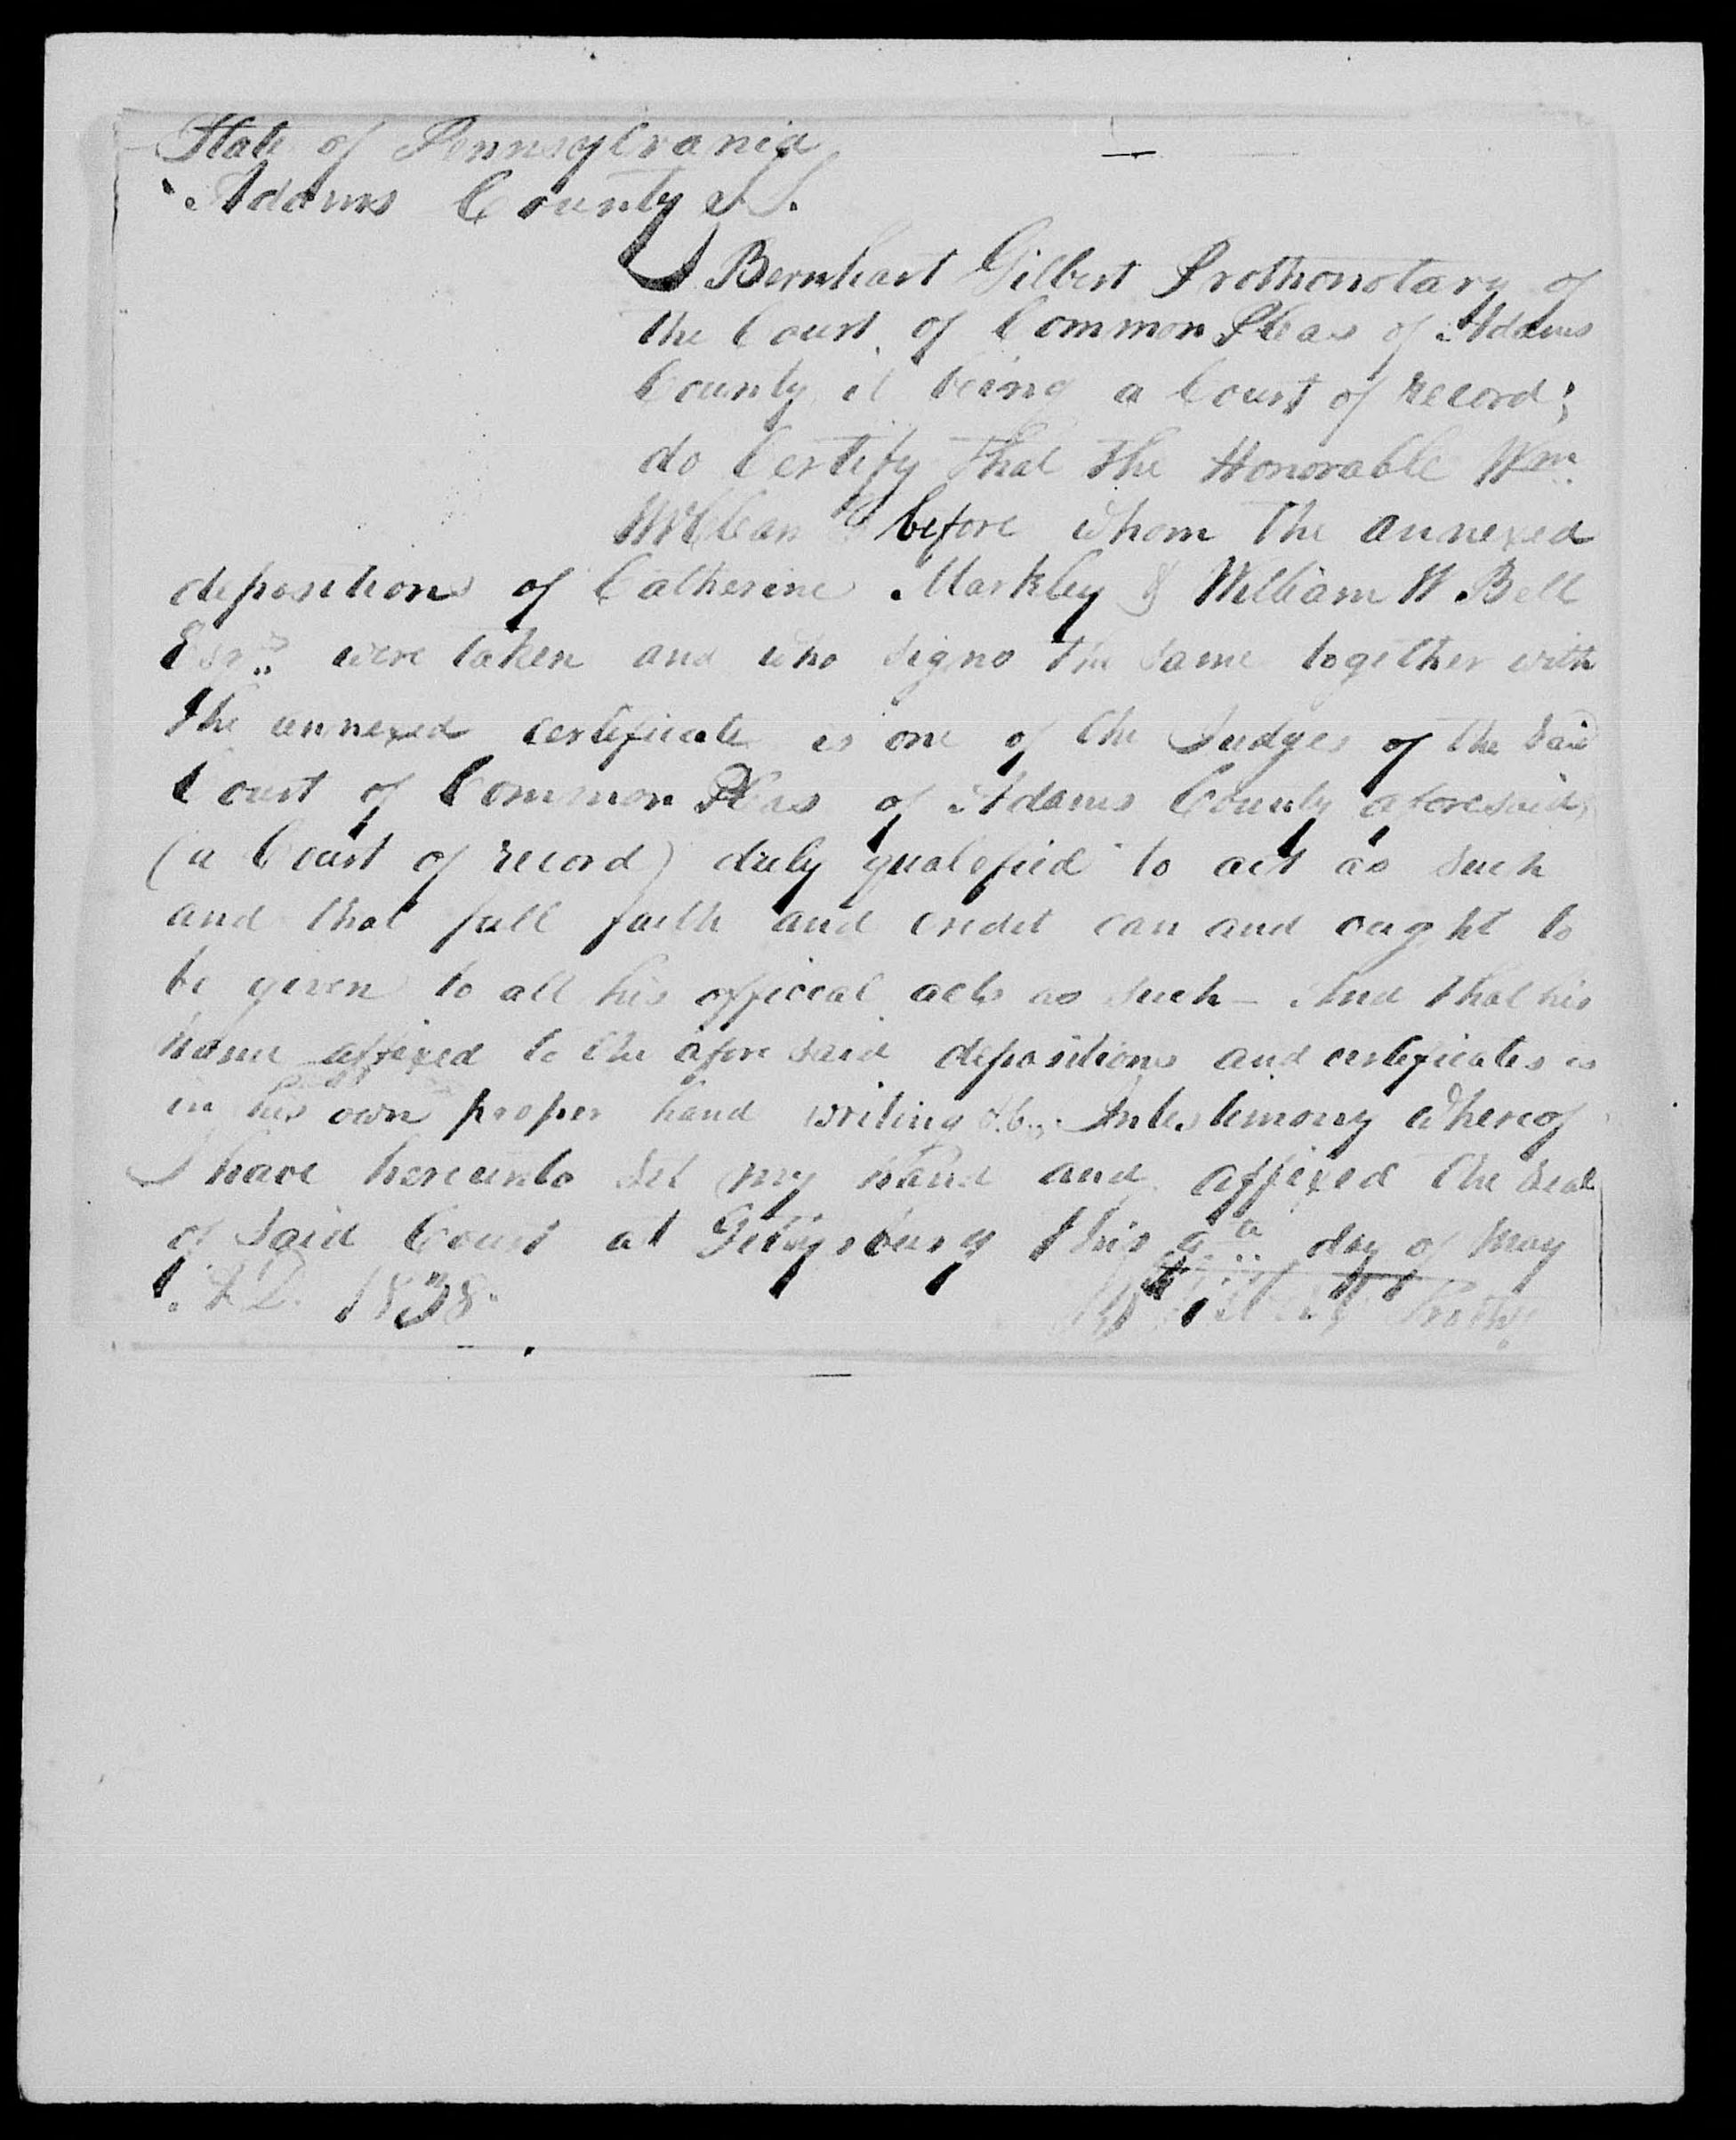tate of Pennsylvania
Adams County SS
Bernhart Gilbert Prothonotary of
the Court of Common Pleas of Addins
County it being a Court of record,
do certify that the Honorable Wm
Willan before whom the annexed
deposition of Catherine Markley & William W Bell
Esq. were taken and who signs the same together with
the annexed certificate is one of the Judges of the said
Court of Common Pleas of Adams County aforesaid,
(a Court of record) duly qualified to act as such
and that full faith and credit can and ought to
be given to all his official acts as such. And that his
and affixed to the aforesaid deposition and certificates is
in his own proper hand writing &c. In testimony whereof
I have hereunto set my hand and affixed the seal
of said Companies this
May
F
it doth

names: B Gilbert, Wm Mc Clean, Catherine Markley, William W Bell, Bernhart Gilbert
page: 9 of 31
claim: widow's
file: W. 4537, Michael Everly, Penn